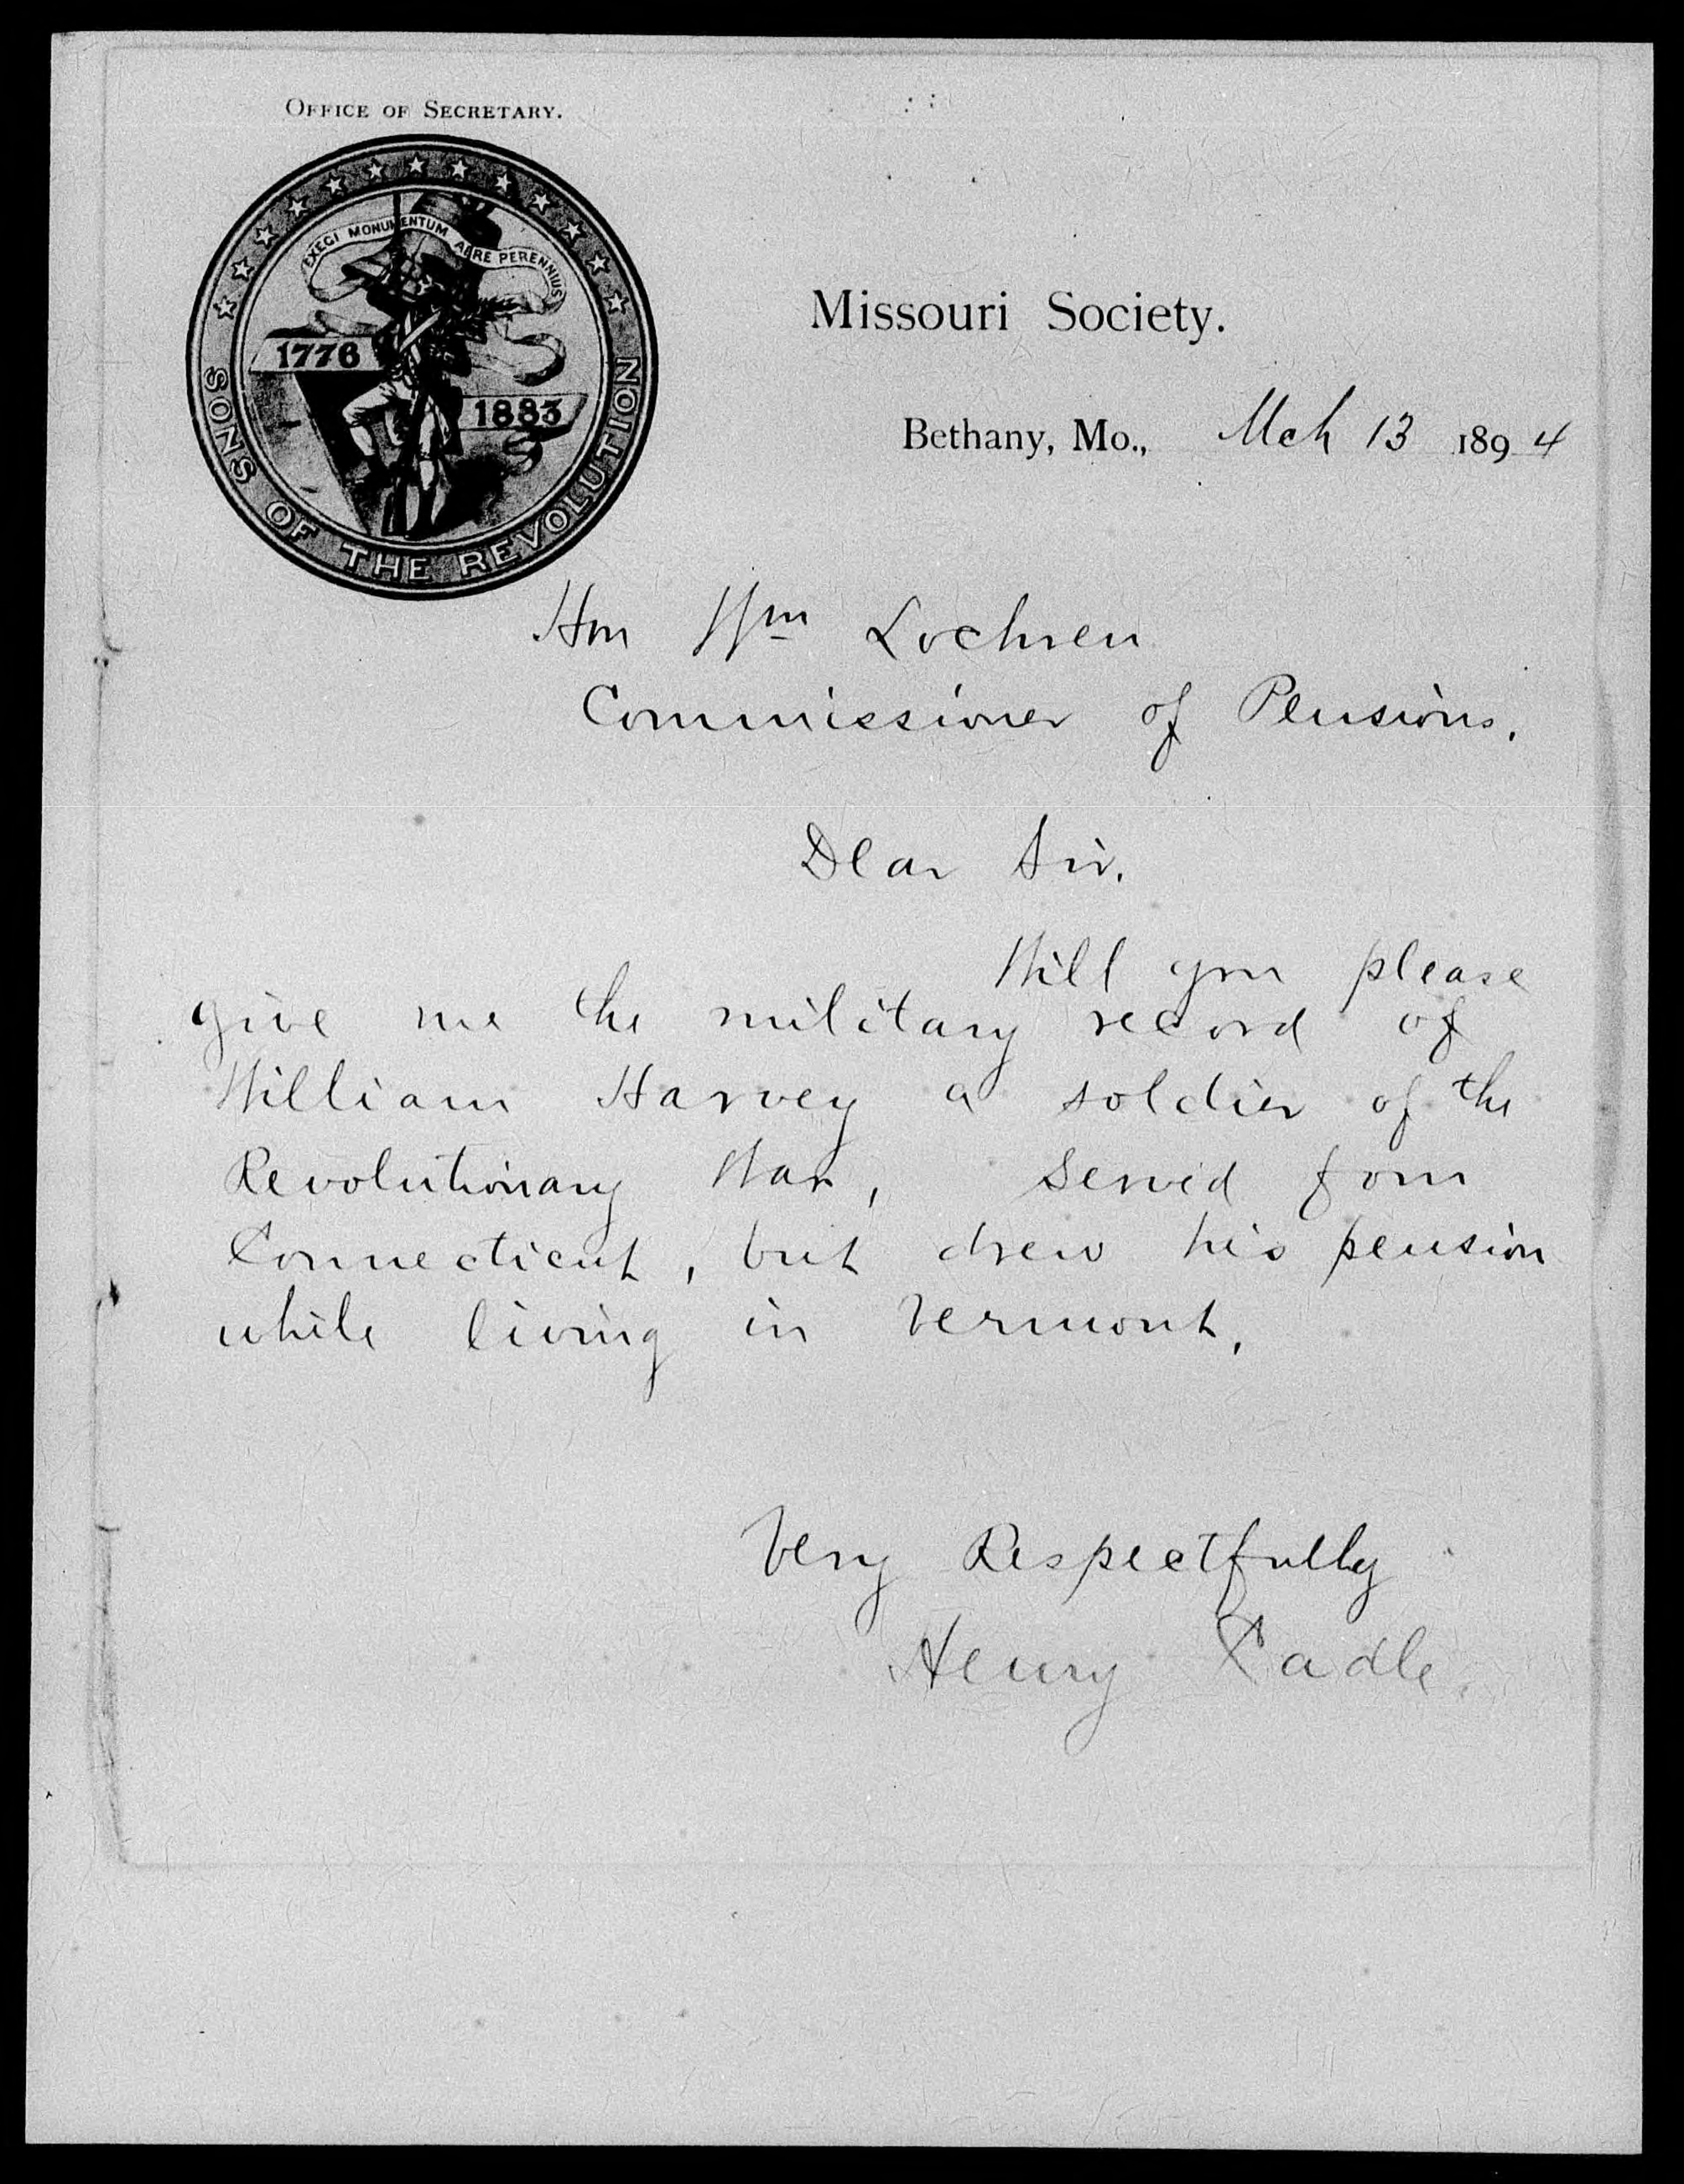Office of Secretary
[seal] SONS OF THE REVOLUTION 1776 1883
Missouri Society. Bethany, Mo. ,Mch [MARCH] 13 1894

Hon [HONORABLE] Wm [WILLIAM] Lochren
Commissioner of Pensions
Dear Sir,
Will you please give me the military record
of William Harvey a soldier of the
Revolutionary War, served from Connecticut, but drew his pension while living in Vermont.
Very Respectfully
Henry Cadle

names: Wm Lochren; Henry Cadle; William Harvey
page: 40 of 53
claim: widow's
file: W. 492, for Daniel Lamprey, New Hampshire